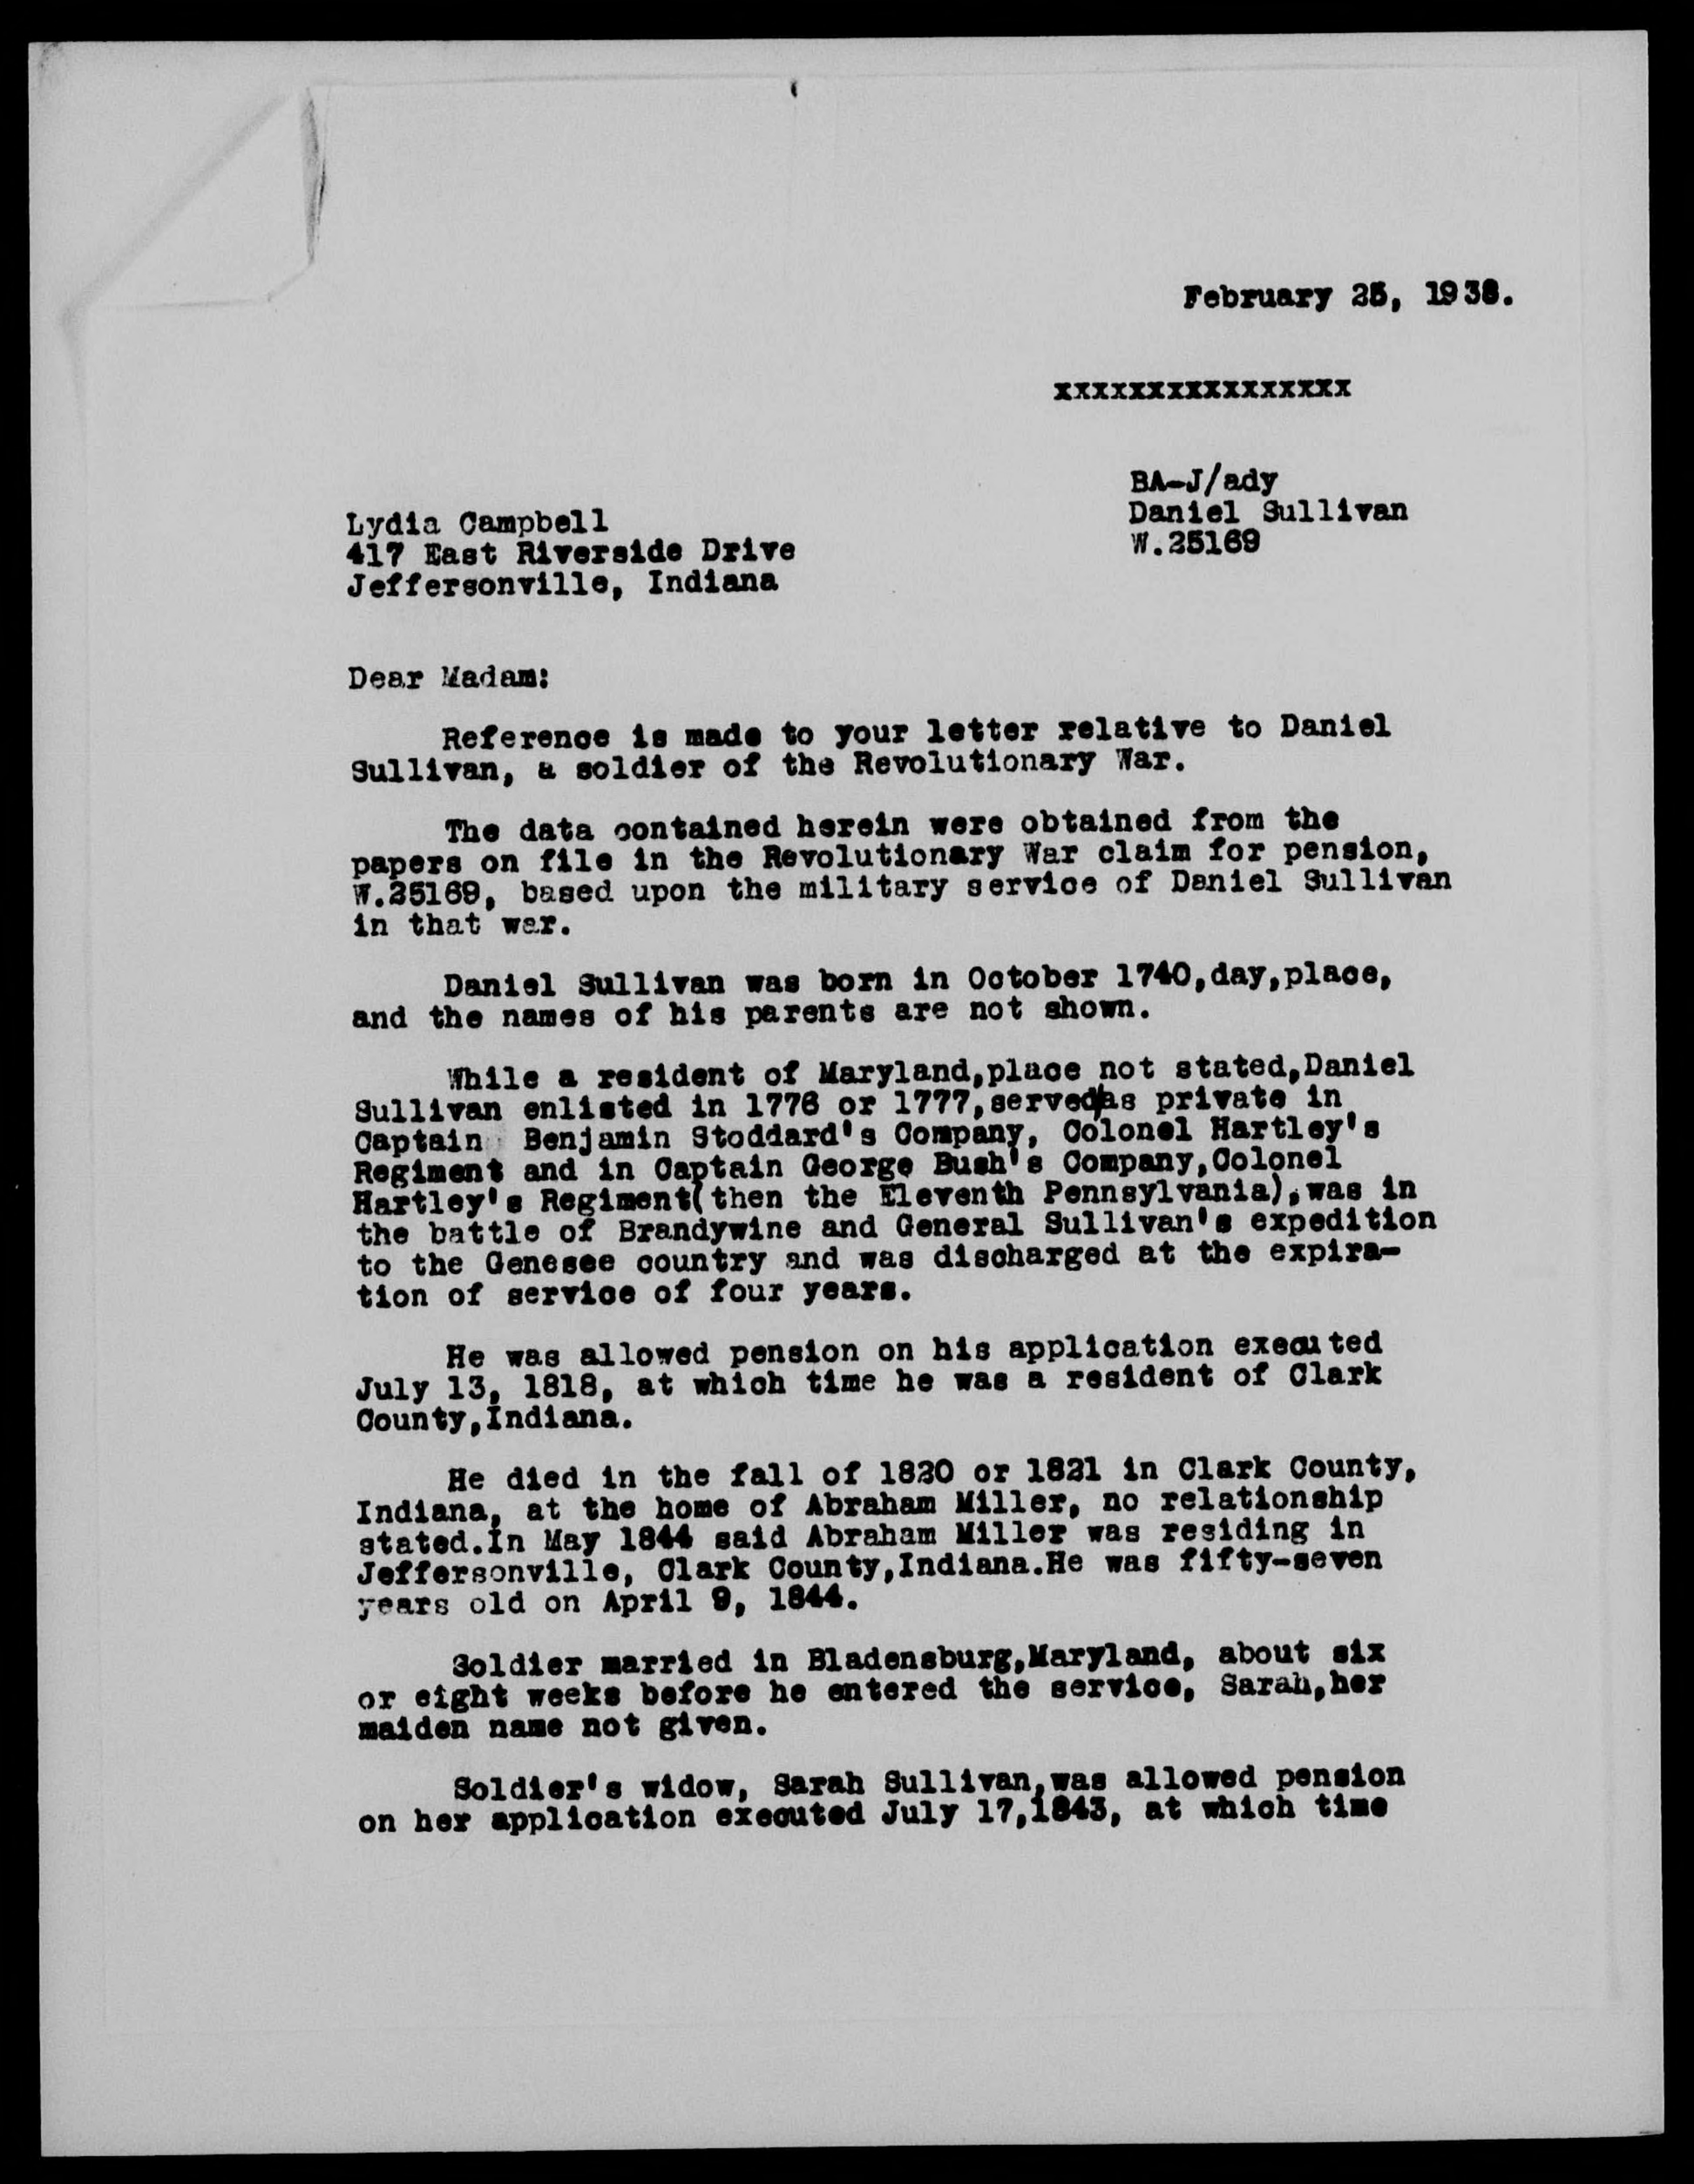[typed letter, page 1 of 2]]

February 25, 1938. 

xxxxxxxxxxxxxxxxxx

BA-J/ady
DAniel Sullivan
W. 25169

Lydia Campbell 
417 East Riverside Drive 
Jeffersonville, Indiana 

Dear Madam:

Reference is made to your letter relative to Daniel Sullivan, a soldier of the Revolutionary War. 

The data contained herein were obtained from the papers on file in the Revolutionary War claim for pension, W. 5169, based upon the military service of Daniel Sullivan in that war. 

Daniel Sullivan was born in October 1740,day,place, and the names of his parents are not shown. 

While a resident of Maryland, place not stated, Daniel Sullivan enlisted in 1776 or 1777, served as private in Captain Benjamin Stoddard's Company, Colonel Hartley's Regiment and in Captain George Bush's Company, Colonel Hartley's Regiment ( then the Eleventh Pennsylvania), was in the battle of Brandywine and General Sullivan's expedition to the Genesee country and was discharged at the expiration of service of four years. 

He was allowed pension on his application executed July 13, 1818, at which time he was a resident of Clark County, Indiana. 

He died in the fall of 1820 or 1821 in Clark County, Indiana, at the home of Abraham Miller, no relationship stated. In May of 1844 said Abraham Miller was residing in Jeffersonville, Clark County, Indiana. He was fifty-seven years old on April 9, 1844. 

Soldier married in Bladensburg, Maryland, about six or eight weeks before he entered the service, Sarah, her maiden name not given. 

Soldier's widow, Sarah Sullivan, was allowed pension on her application executed July 17, 1843, at which time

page: 19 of 78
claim: widow's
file: W. 25,169, for Daniel Sullivan, Maryland